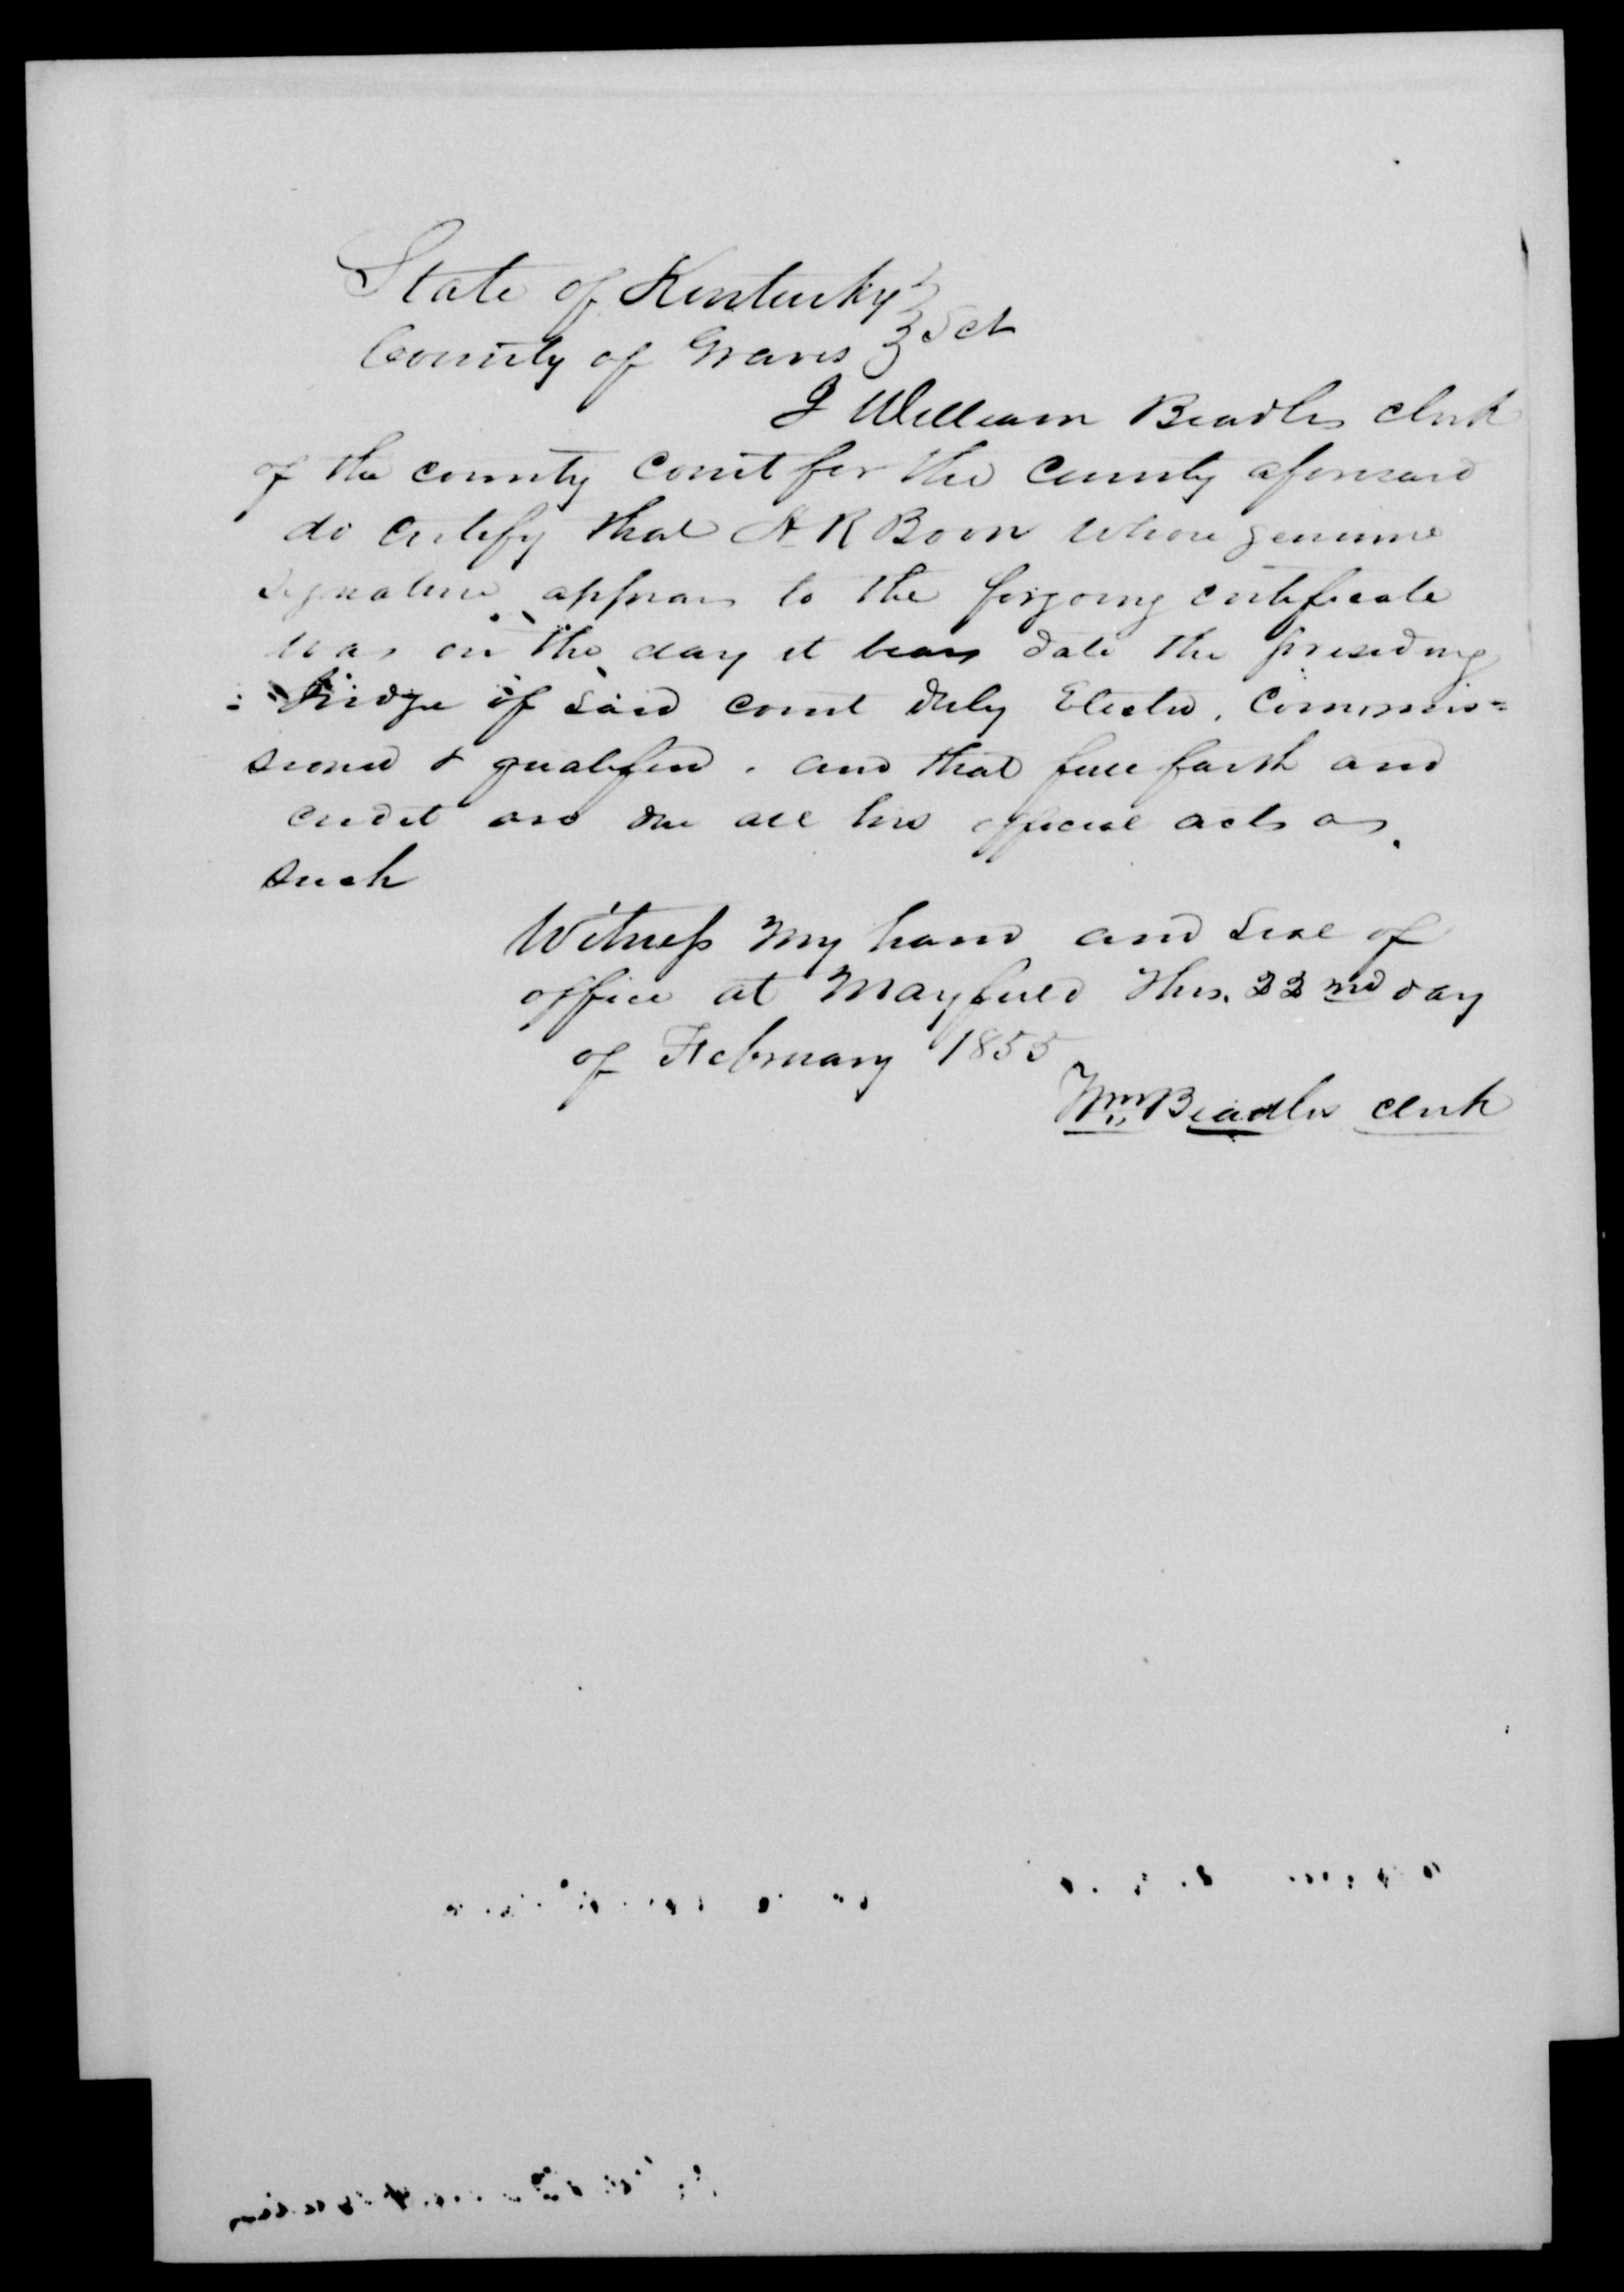State of Kentucky}
County of Graves } seal
	I William Beades clerk of the county court for the County aforesaid do certify that A R Boon whose genuine signature appears to the foregoing certificate was on the day it bears date the presiding judge of said County Duly Elected. Commissioned & qualified, and that full faith and credit are due all his official acts as such
		Witnefs my hand and seal
		 of office at Mayfield This 22nd day
		of February 1855

			Wm Beadles clerk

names: Wm Beadles; A R Boon; William Beadles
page: 19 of 61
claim: widow's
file: W. 11554, for John Stafford, Maryland